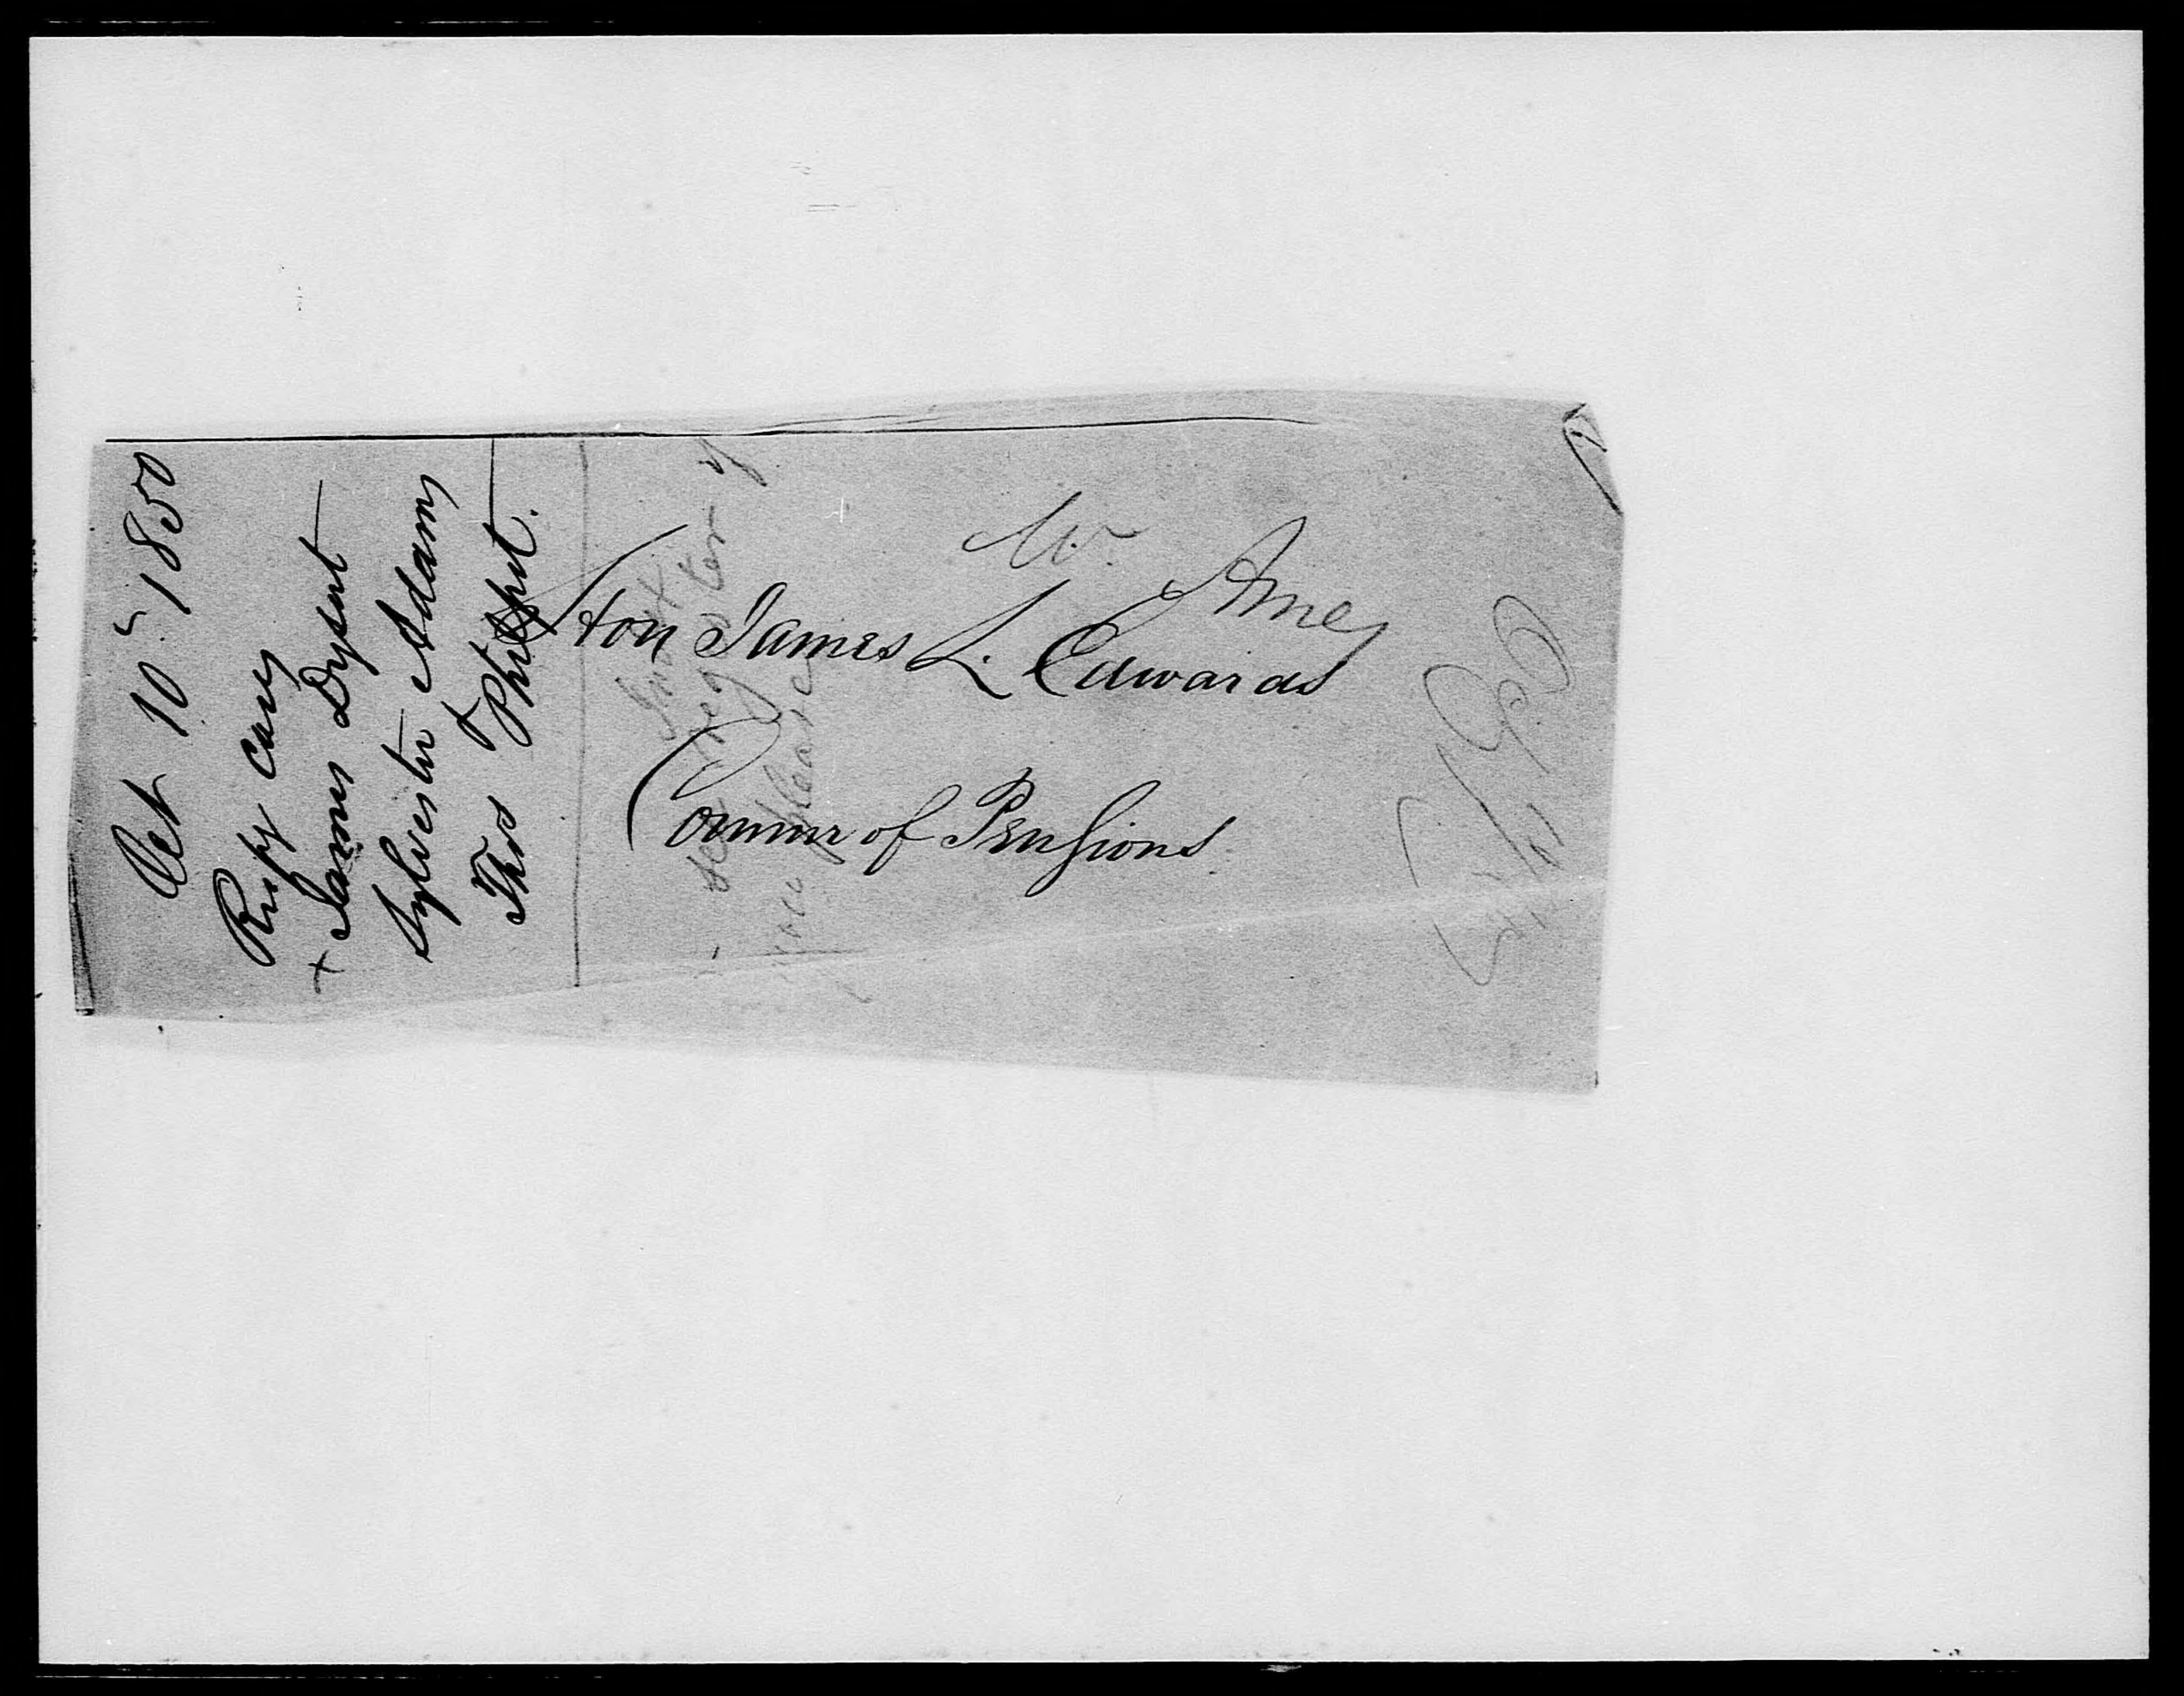Hon James L Edwards
Commr of Pensions
W Ames
Oct 10 1850
[illegible] cases
James Dysant
Sylvester Adams
Thos Philpot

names: [BLANK] Ames; Thos Philpot; Sylvester Adams; James L Edwards; James Dysort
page: 14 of 43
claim: rejected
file: R. 8217, for Thomas Philpot, South Carolina